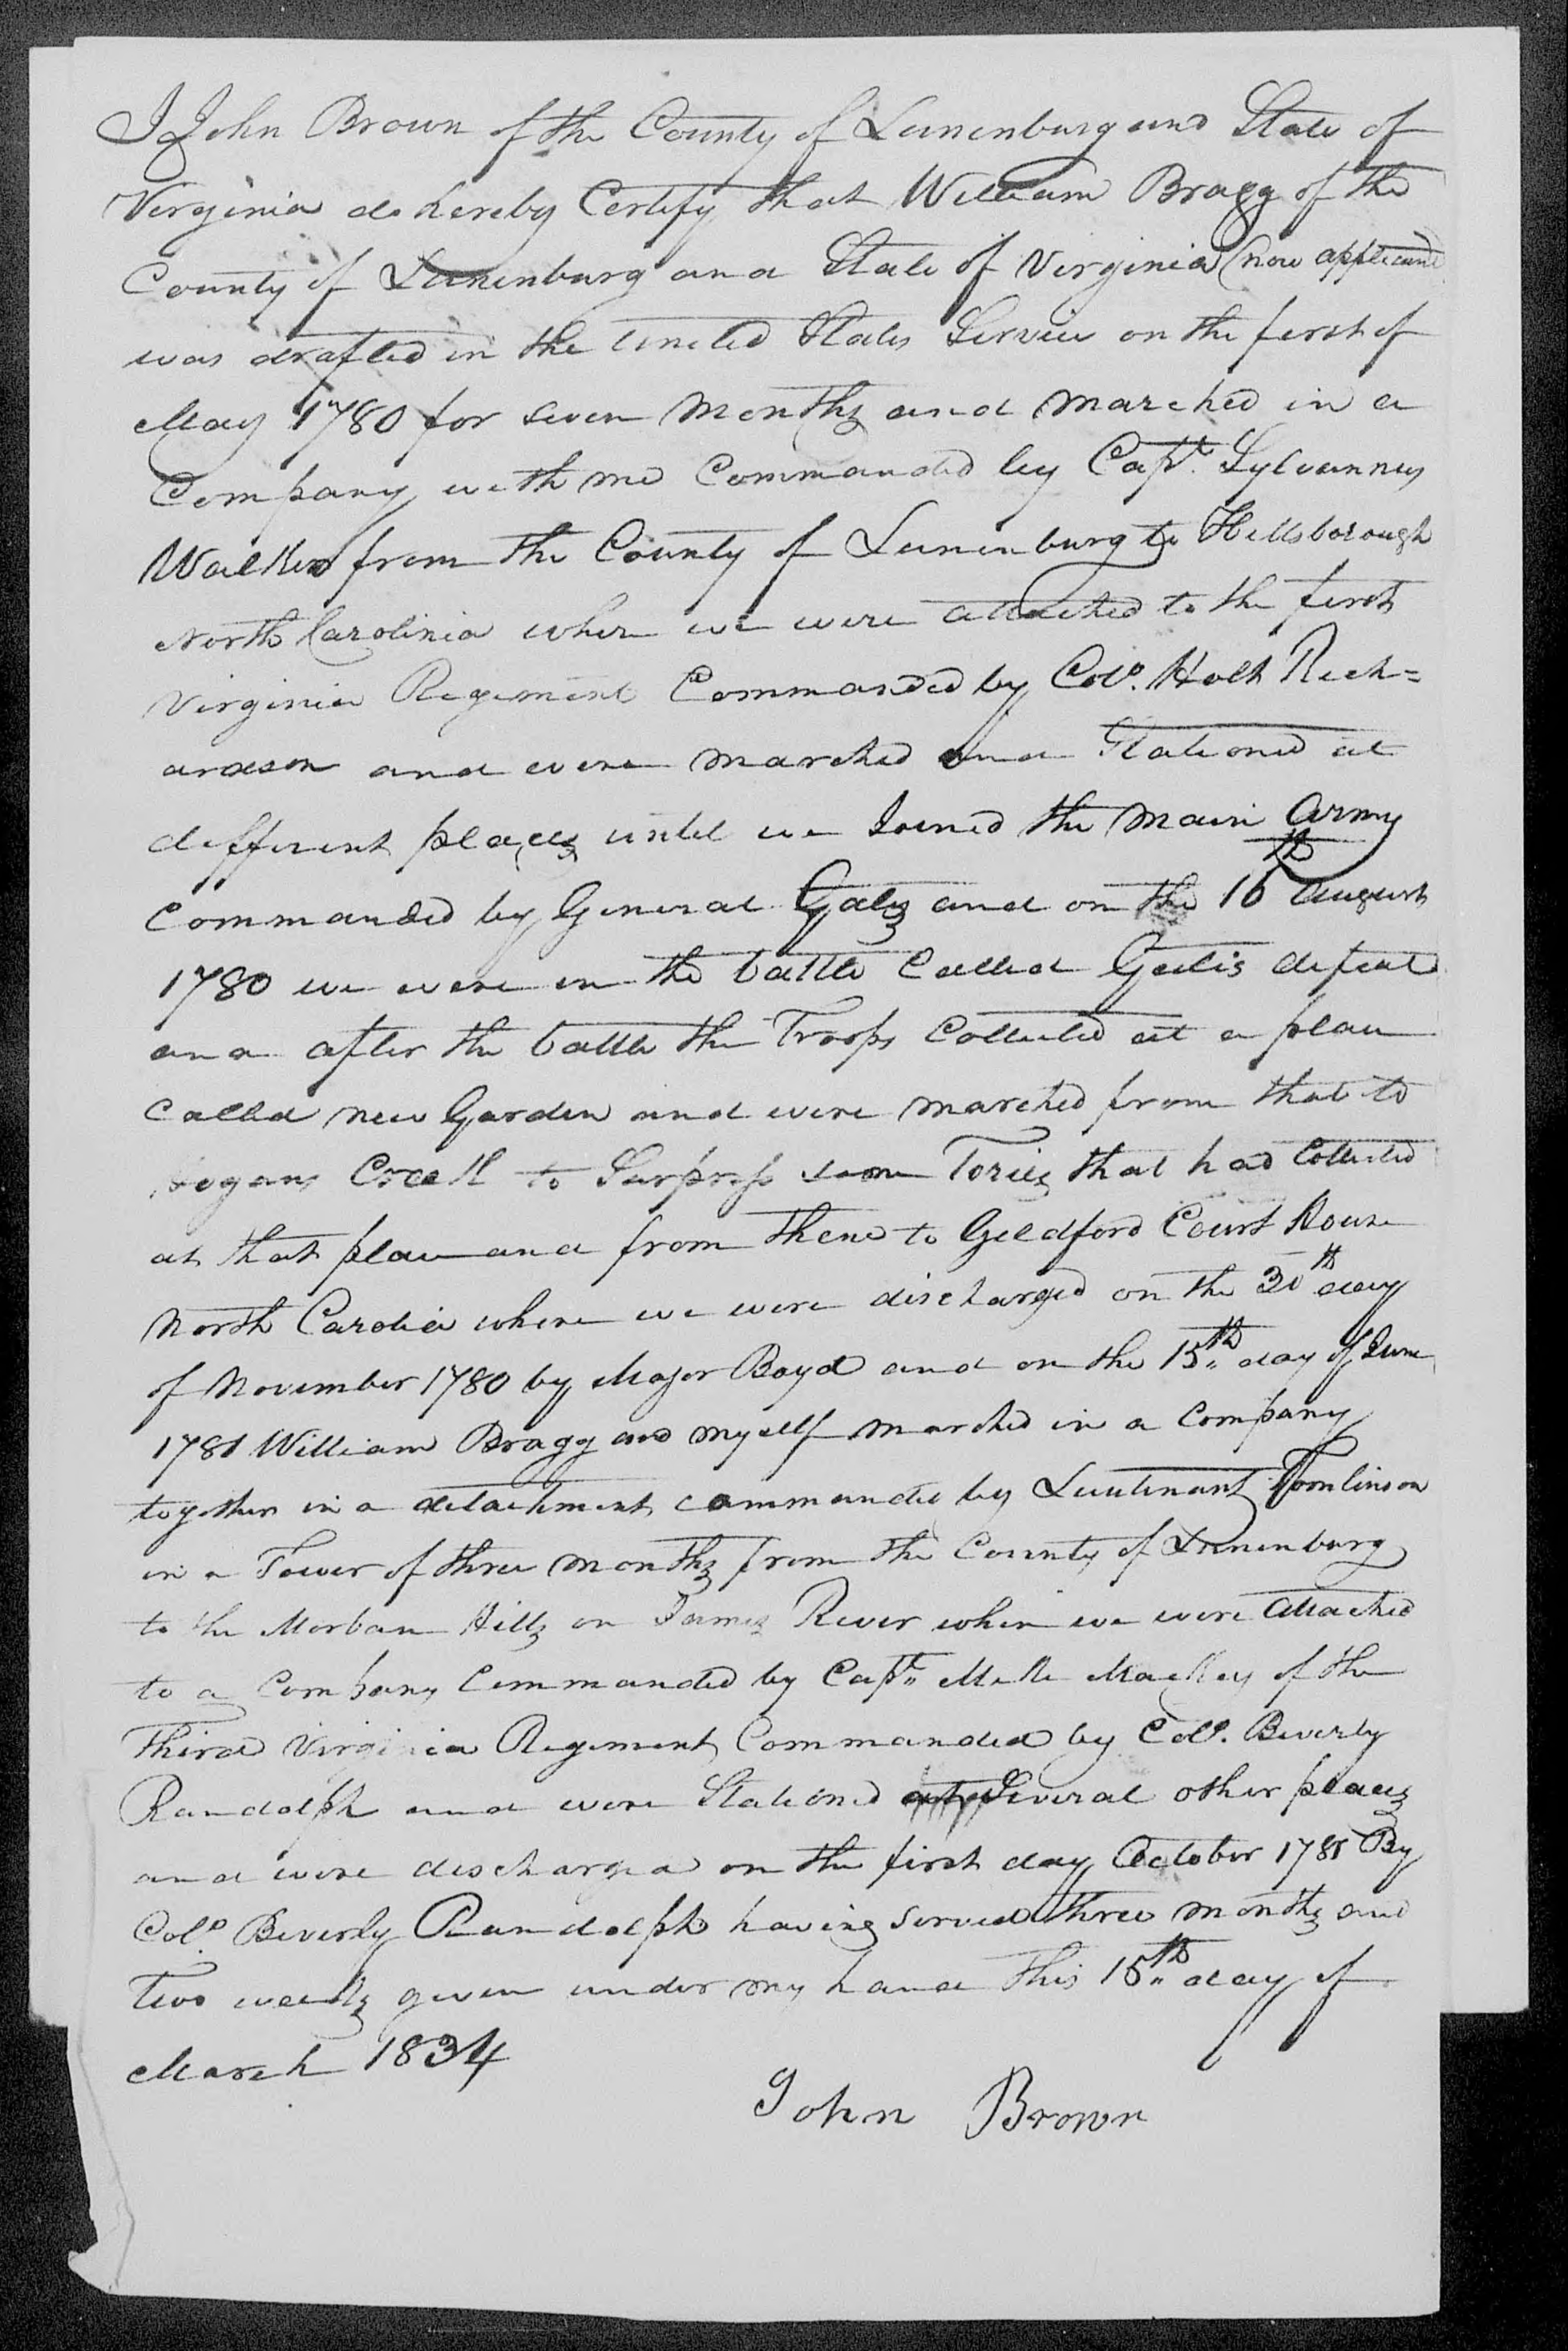I John Brown [pension application S1748] of the County of Lunenburg and State of Virginia do hereby certify that William Bragg of the County of Lunenburg and State of Virginia (now applicant) was drafted in the United States Service on the first of May 1780 for seven months and marched in a Company with me commanded by Capt. Sylvanus Walker from the County of Lunenburg to Hillsborough North Carolina when we were attached to the first Virginia Regiment commanded by Col Holt Richardson and were marched and stationed at different places until we joined the main army commanded by General Gates and on the 16th August 1780 we were in the battle called Gates defeat and after the battle the troops collected at a place called New Garden and were marched from that to Hogans Creek to Purpress [surpress] some tories [Tories] that had called at that place and from thence to Gildford [Guilford] Court House North Carolina where we were discharged on the 30th day of November 1780 by Major Boyd and on the 15th day of June 1781 William Bragg and myself marched in a company together in a detachment commanded by Lieutenant Tomlinson in a Tower of three months from the County of Lunenburg to the Morban Hills on James River when we were attached to a company commanded by Capt. Matt Mackay of the Third Virginia Regiment commanded by Col. Beverly Randolph and were stationed at several other peace and were discharged on the first day October 1781 by Col Beverly Randolph having served three months and two weeks given under my hand this 15th day of March 1834
John Brown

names: Mike Mackey, Beverly Randolph, Boyd, John Brown, Holt Richardson, Sylvannus Walker, William Bragg, Beverly Randolph, William Bragg, John Brown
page: 18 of 19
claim: widow's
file: W. 2517, William Bragg, Va.